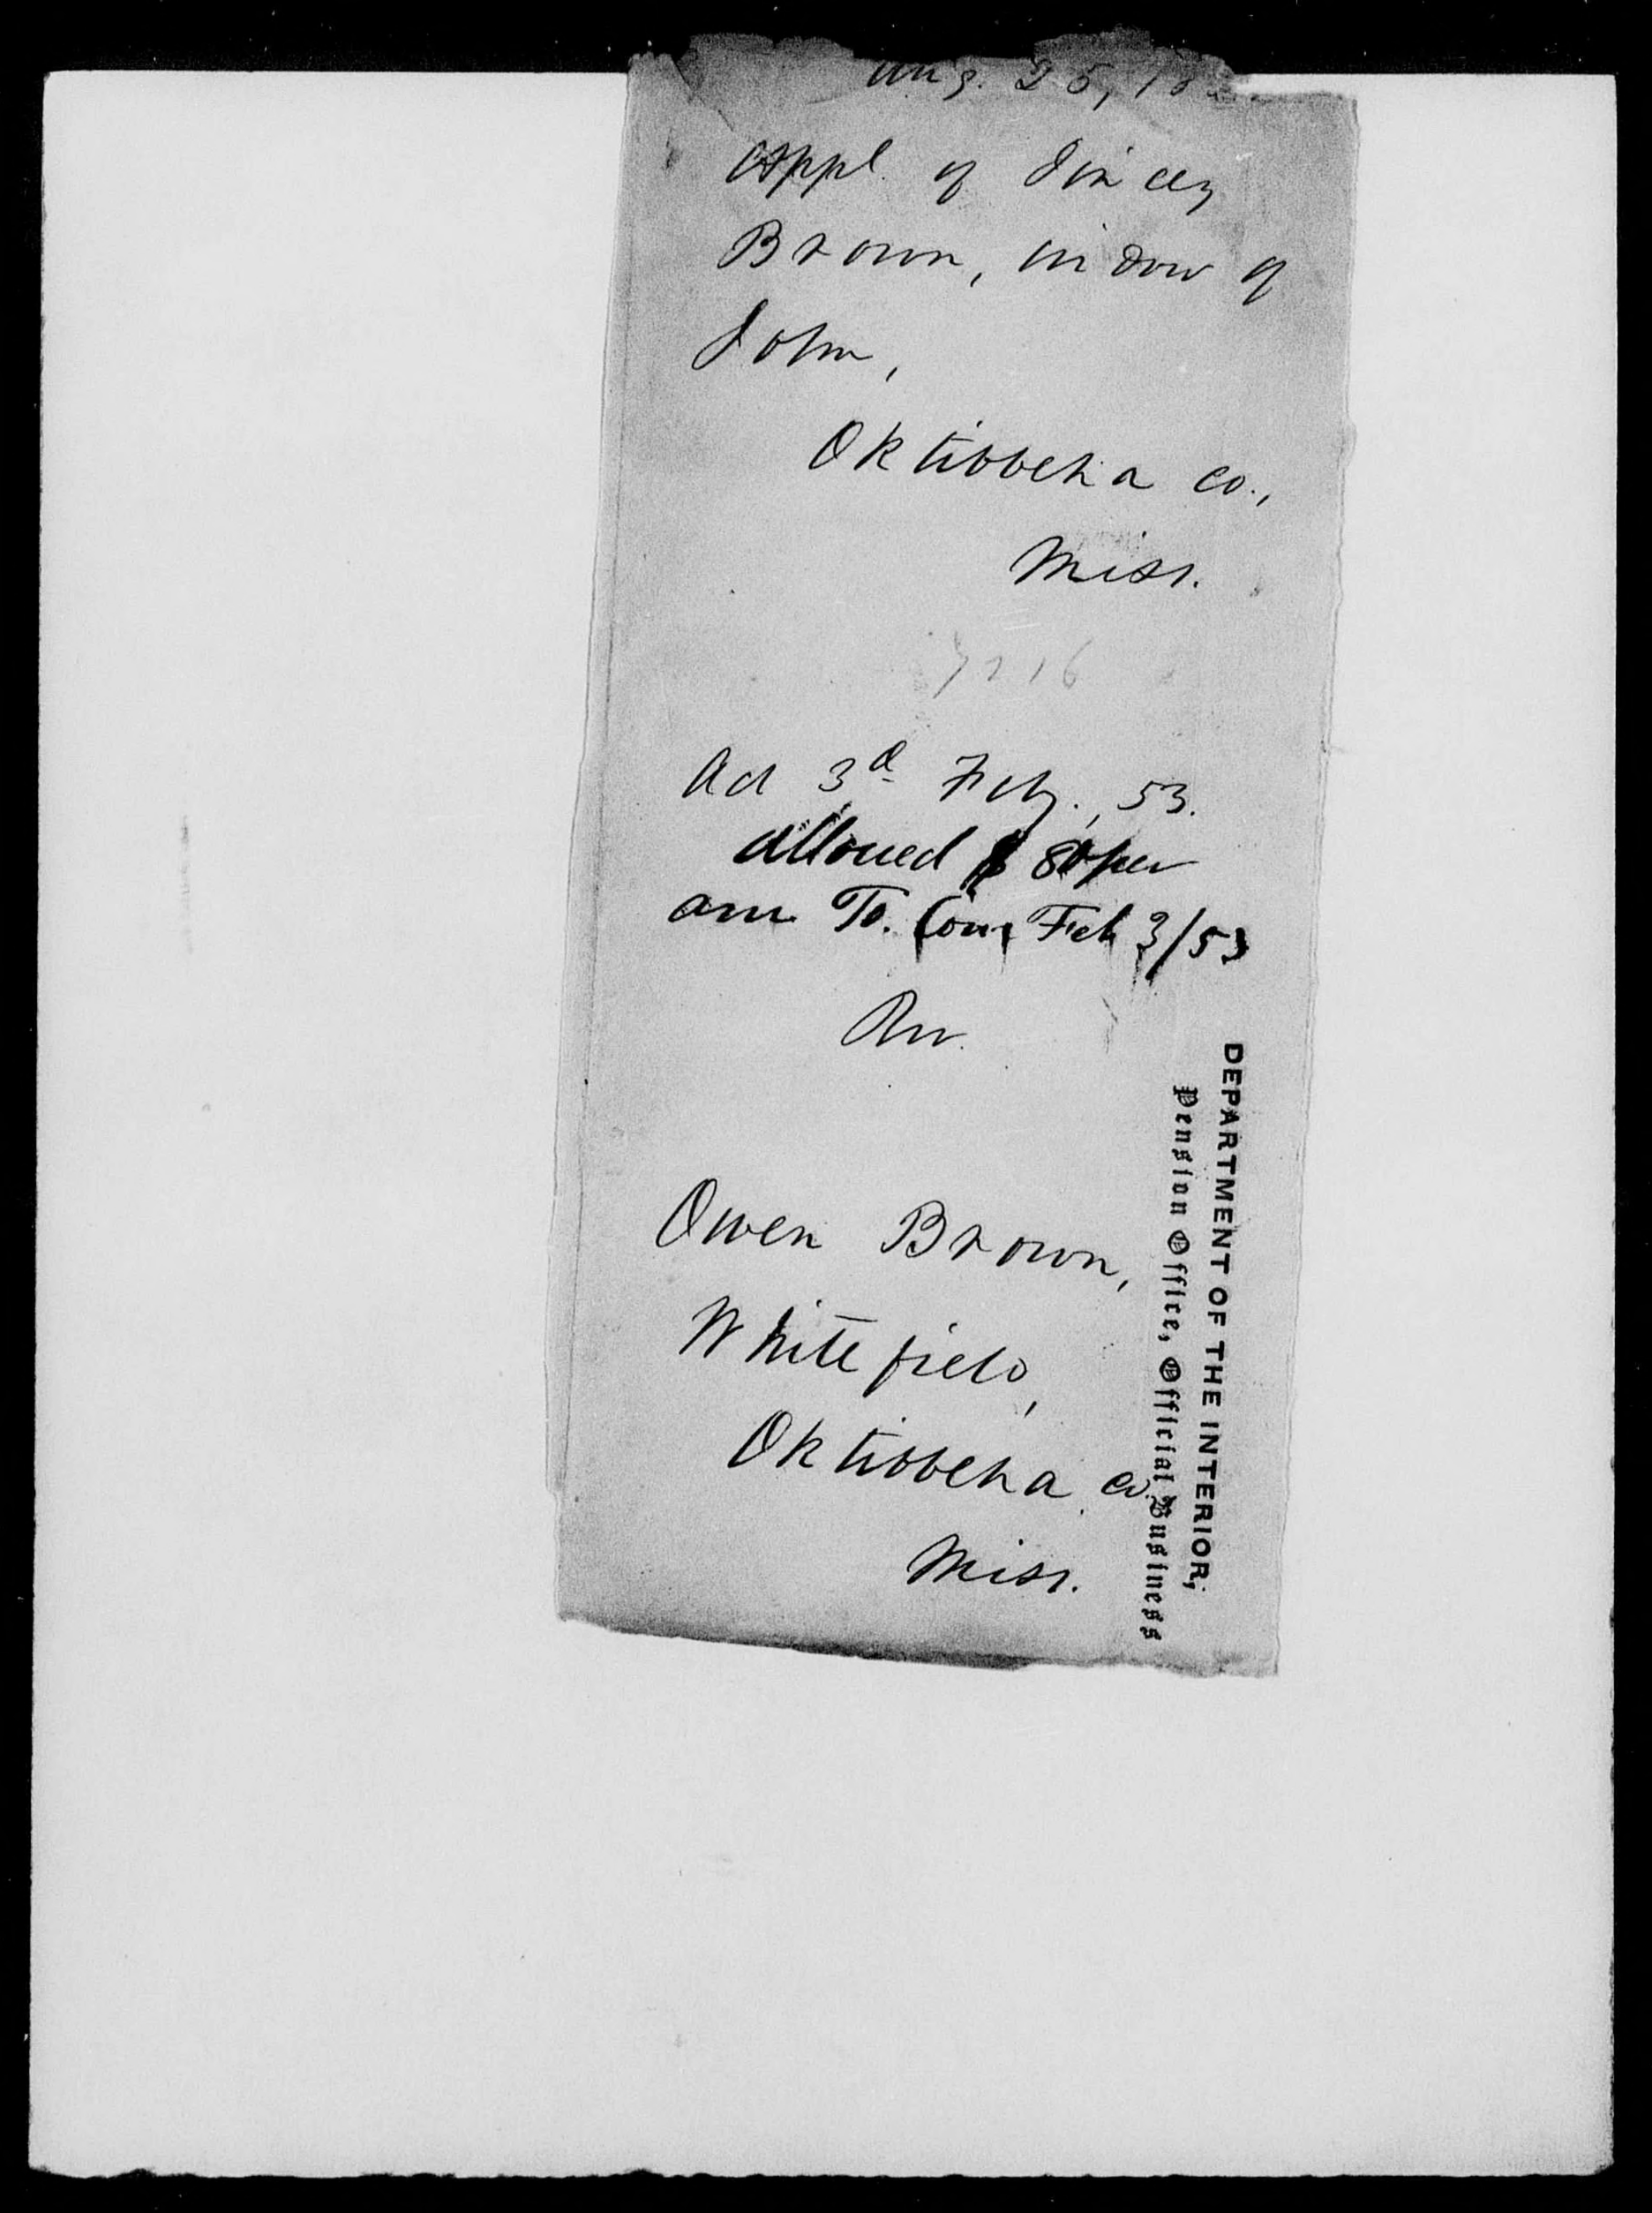un'g. 25,28__
Appl. of Jincey
Brown, widow of
John,
Oktibbeha Co,
Miss.
1716
Act 3d Feby. 53
Allowed $80 per ann. To Com. Feb. 3/53
RW
Owen Brown,
Whitefield,
Oktibbeha Co.,
Miss.

DEPARTMENT OF THE INTERIOR,
Pension Office, Official Business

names: Jincey Brown, Owen Brown, John Brown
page: 72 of 85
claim: widow's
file: W. 5,906, John Brown, S.C.